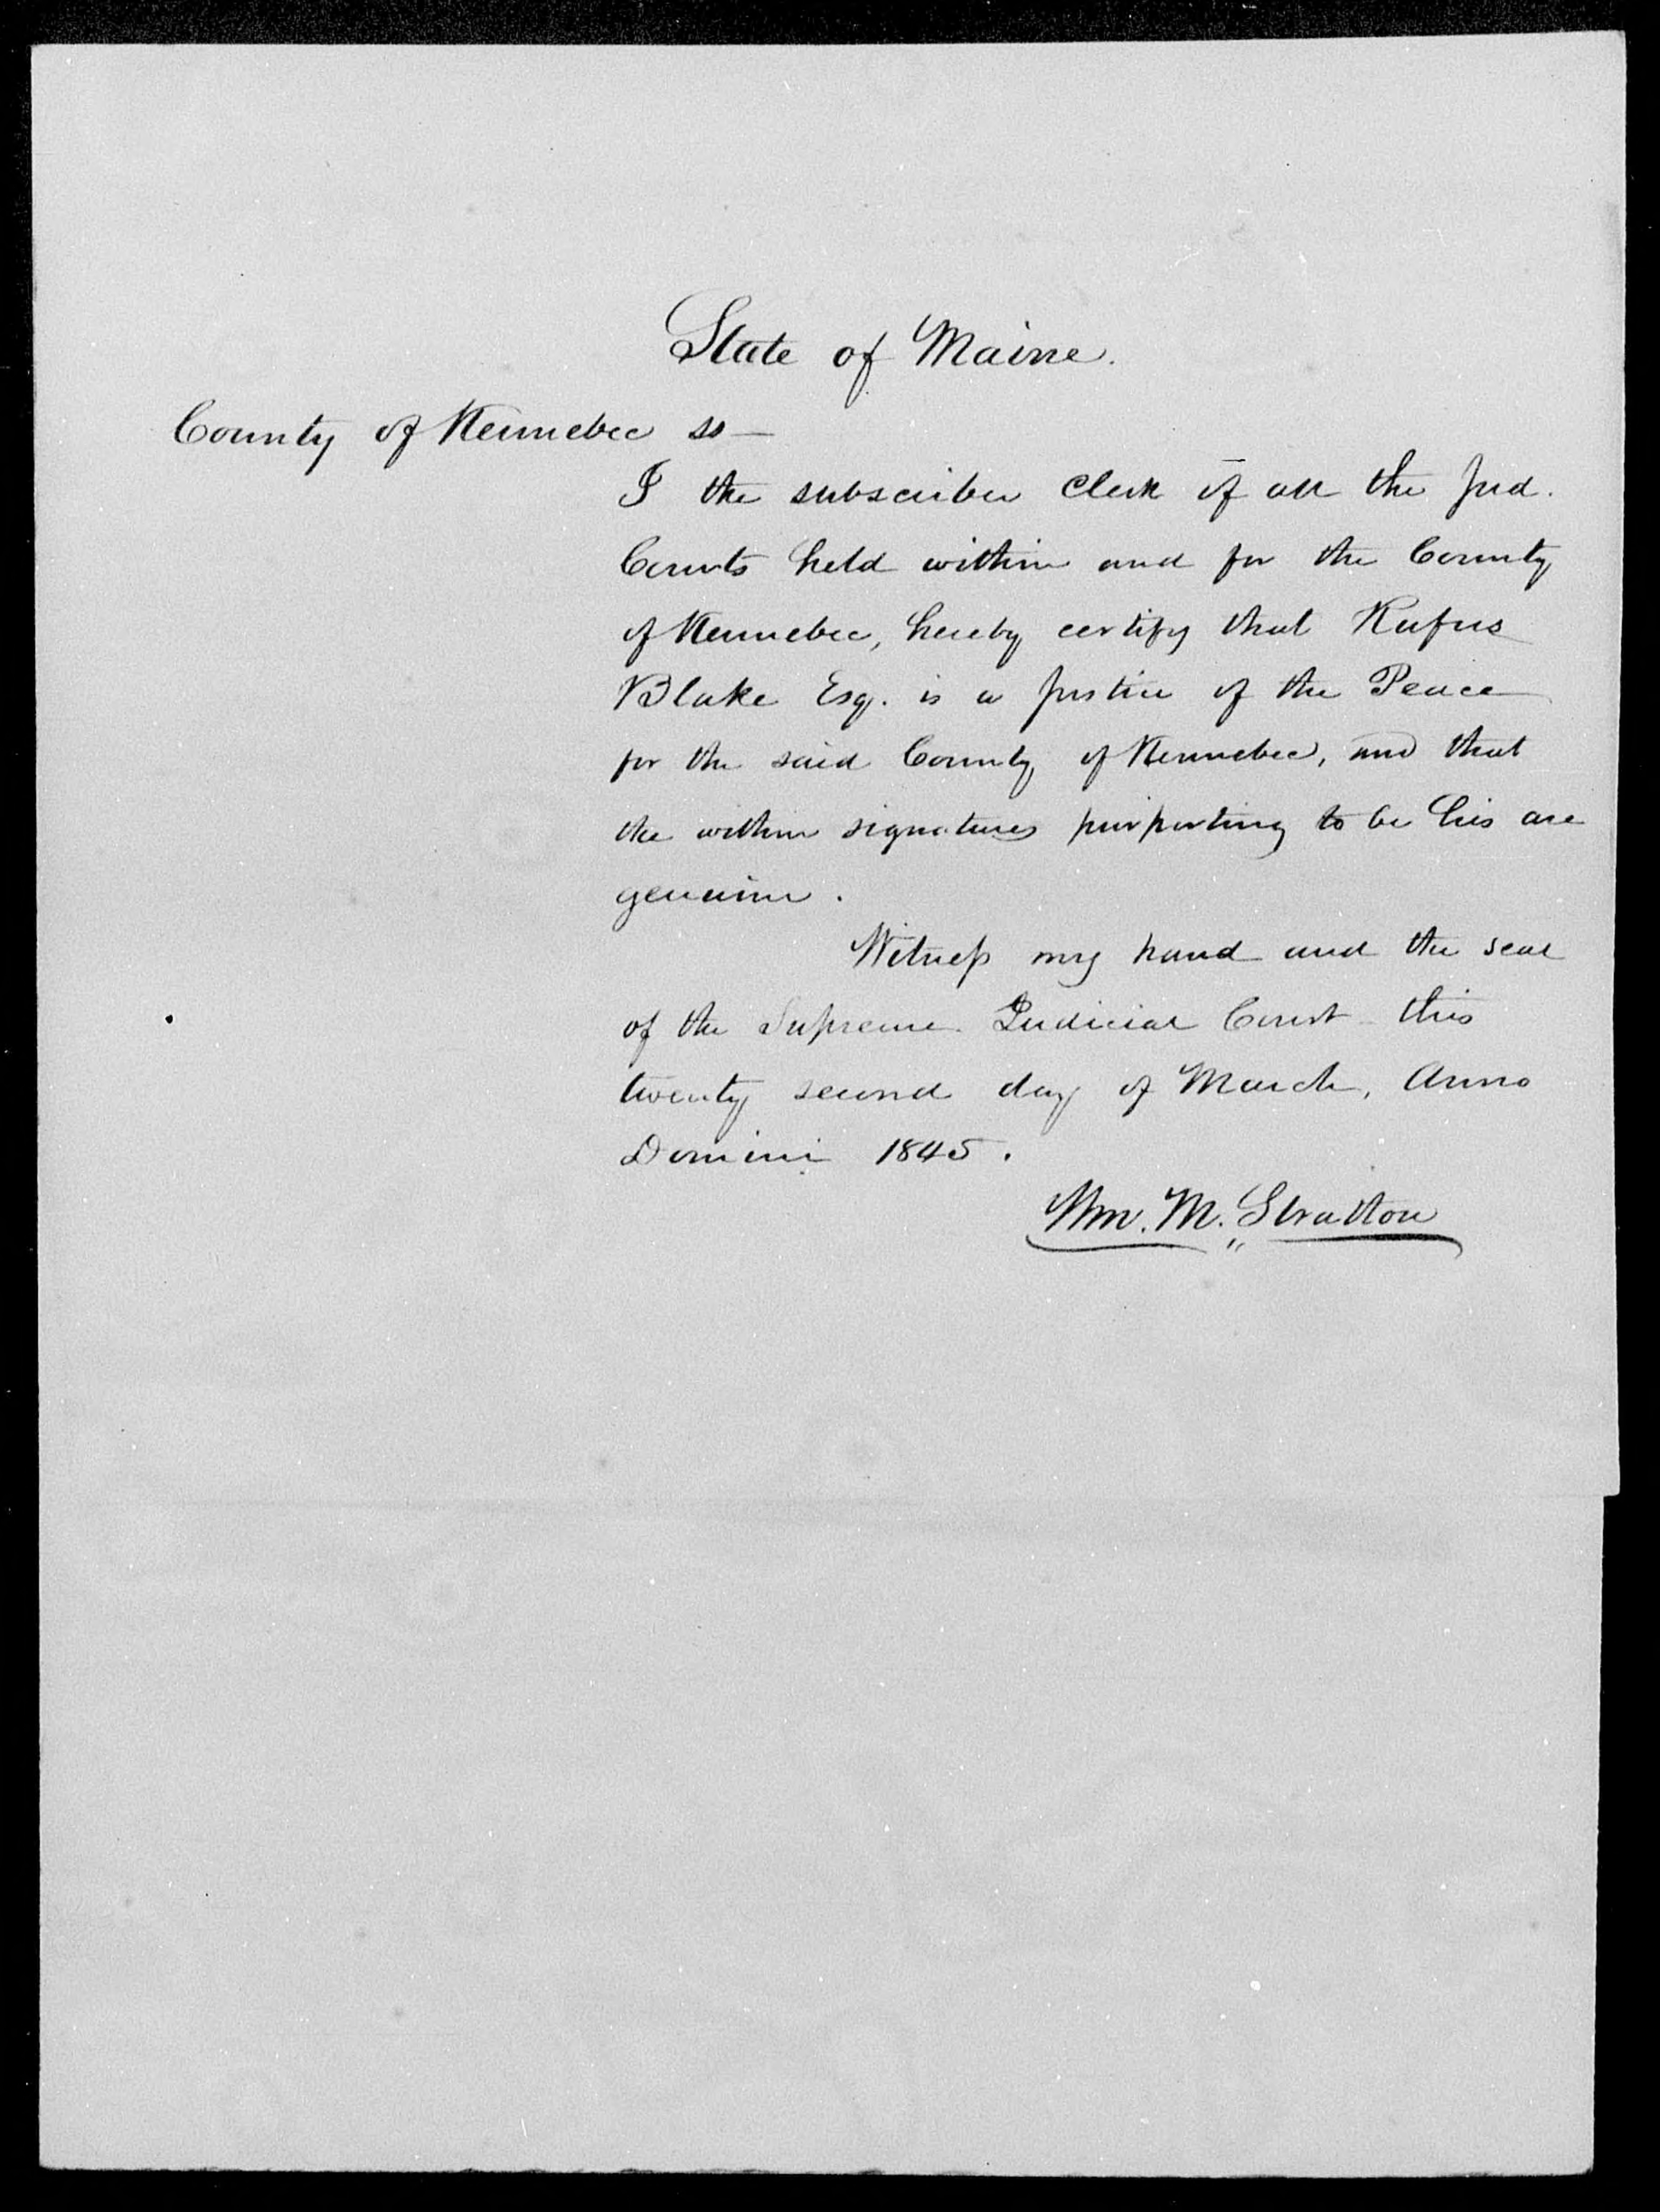State of Maine.
County of Kennebec ss-
I the subscriber Clerk of all the Jud. Courts held within and for the County of Kennebec, hereby certify that Rufus Blake Esq. Is a Justice of the Peace for the said County of Kennebec, and that the within signatures purporting to be his are genuine.
Witness my hand and the seal of the Supreme Judicial Court this twenty second day of March, Anno Domini 1845.
Wm. M. Strattan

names: Wm M Stratton, Rufus Blake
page: 29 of 45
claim: widow's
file: W. 17933, William Fuller, Mass